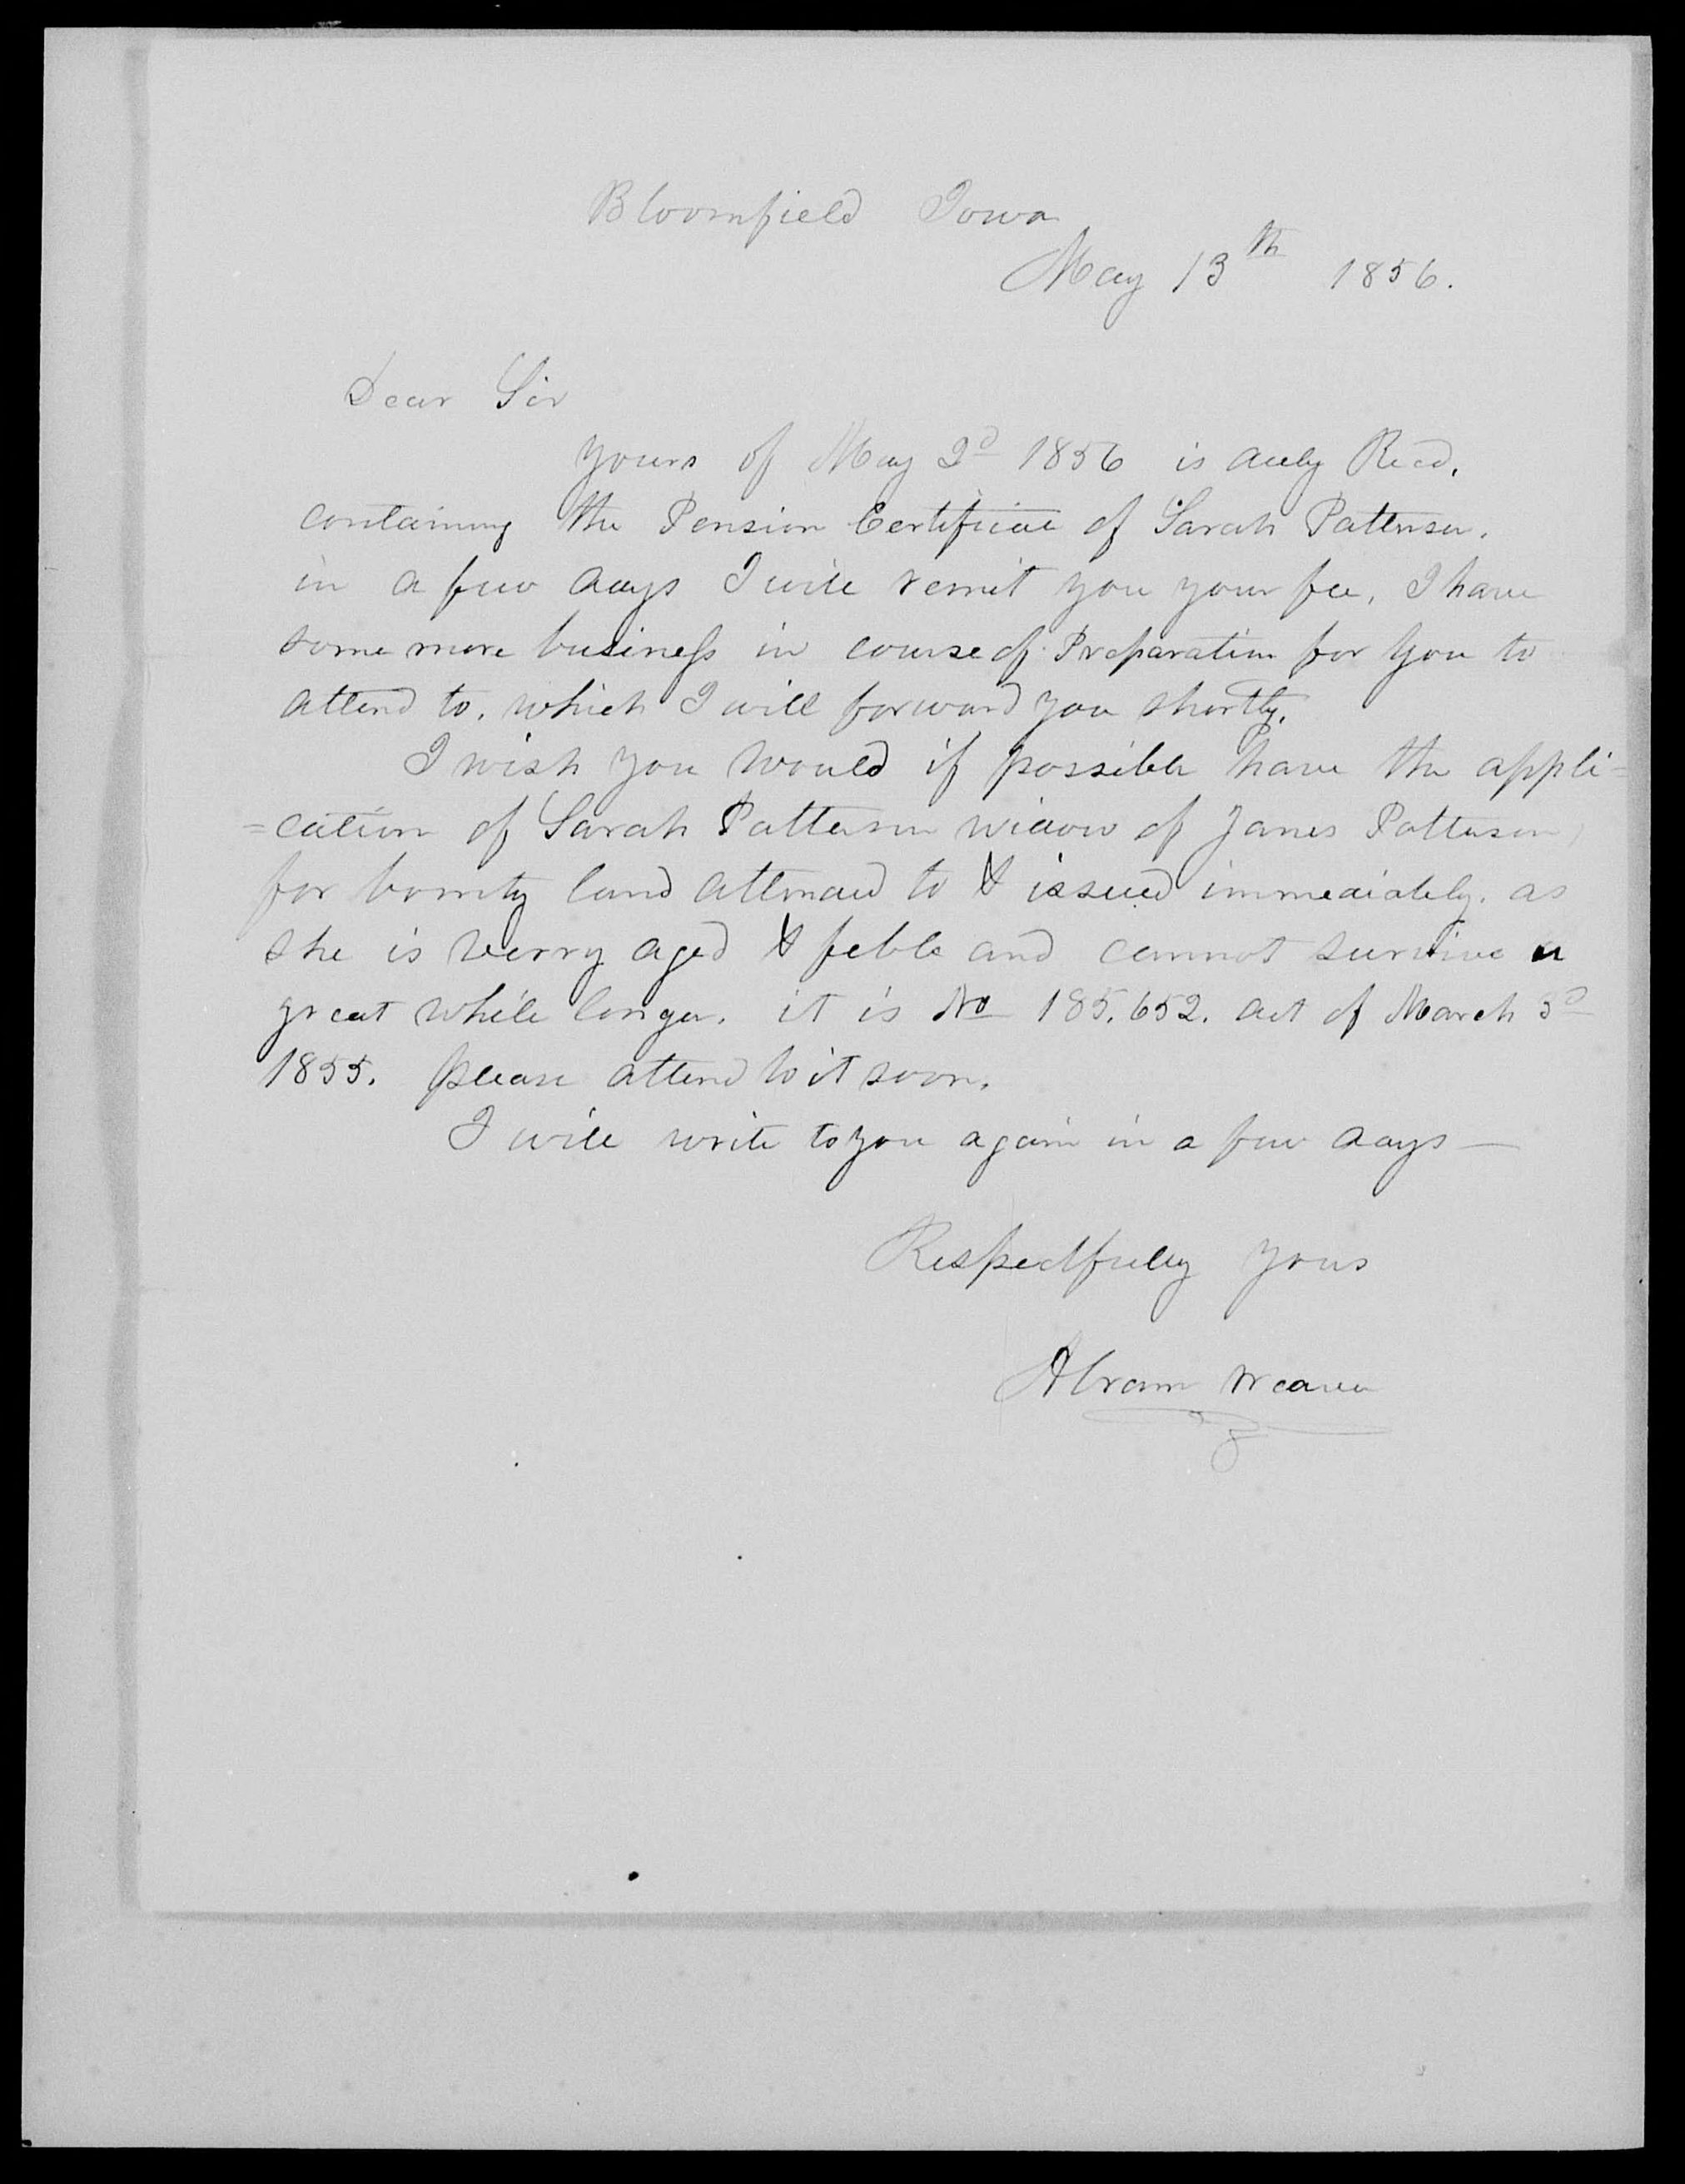Bloomfield Iowa 
May 13th 1856.
Dear Sir 
Yours of May 2nd 1856 is duly Recd. containing the Pension Certificate of Sarah Patterson, in a few days I will remit you your fee, I have some more business in course of preparation for you to attend to which I will forward you shortly.
I wish you would if possible have the application of Sarah Patterson widow of James Patterson, for bounty land attended to & issued immediately, as she is verry aged & feble and cannot survive a great while longer, it is No 185,652, act of March 3rd 1855. Please attend to it soon. 
I will write to you again in a few days- 
Respectfully your 
Abram Weaver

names: Abram Weaver; Janes Patterson; Sarah Patterson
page: 40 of 69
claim: widow's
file: W. 10861, for James Patterson, North Carolina